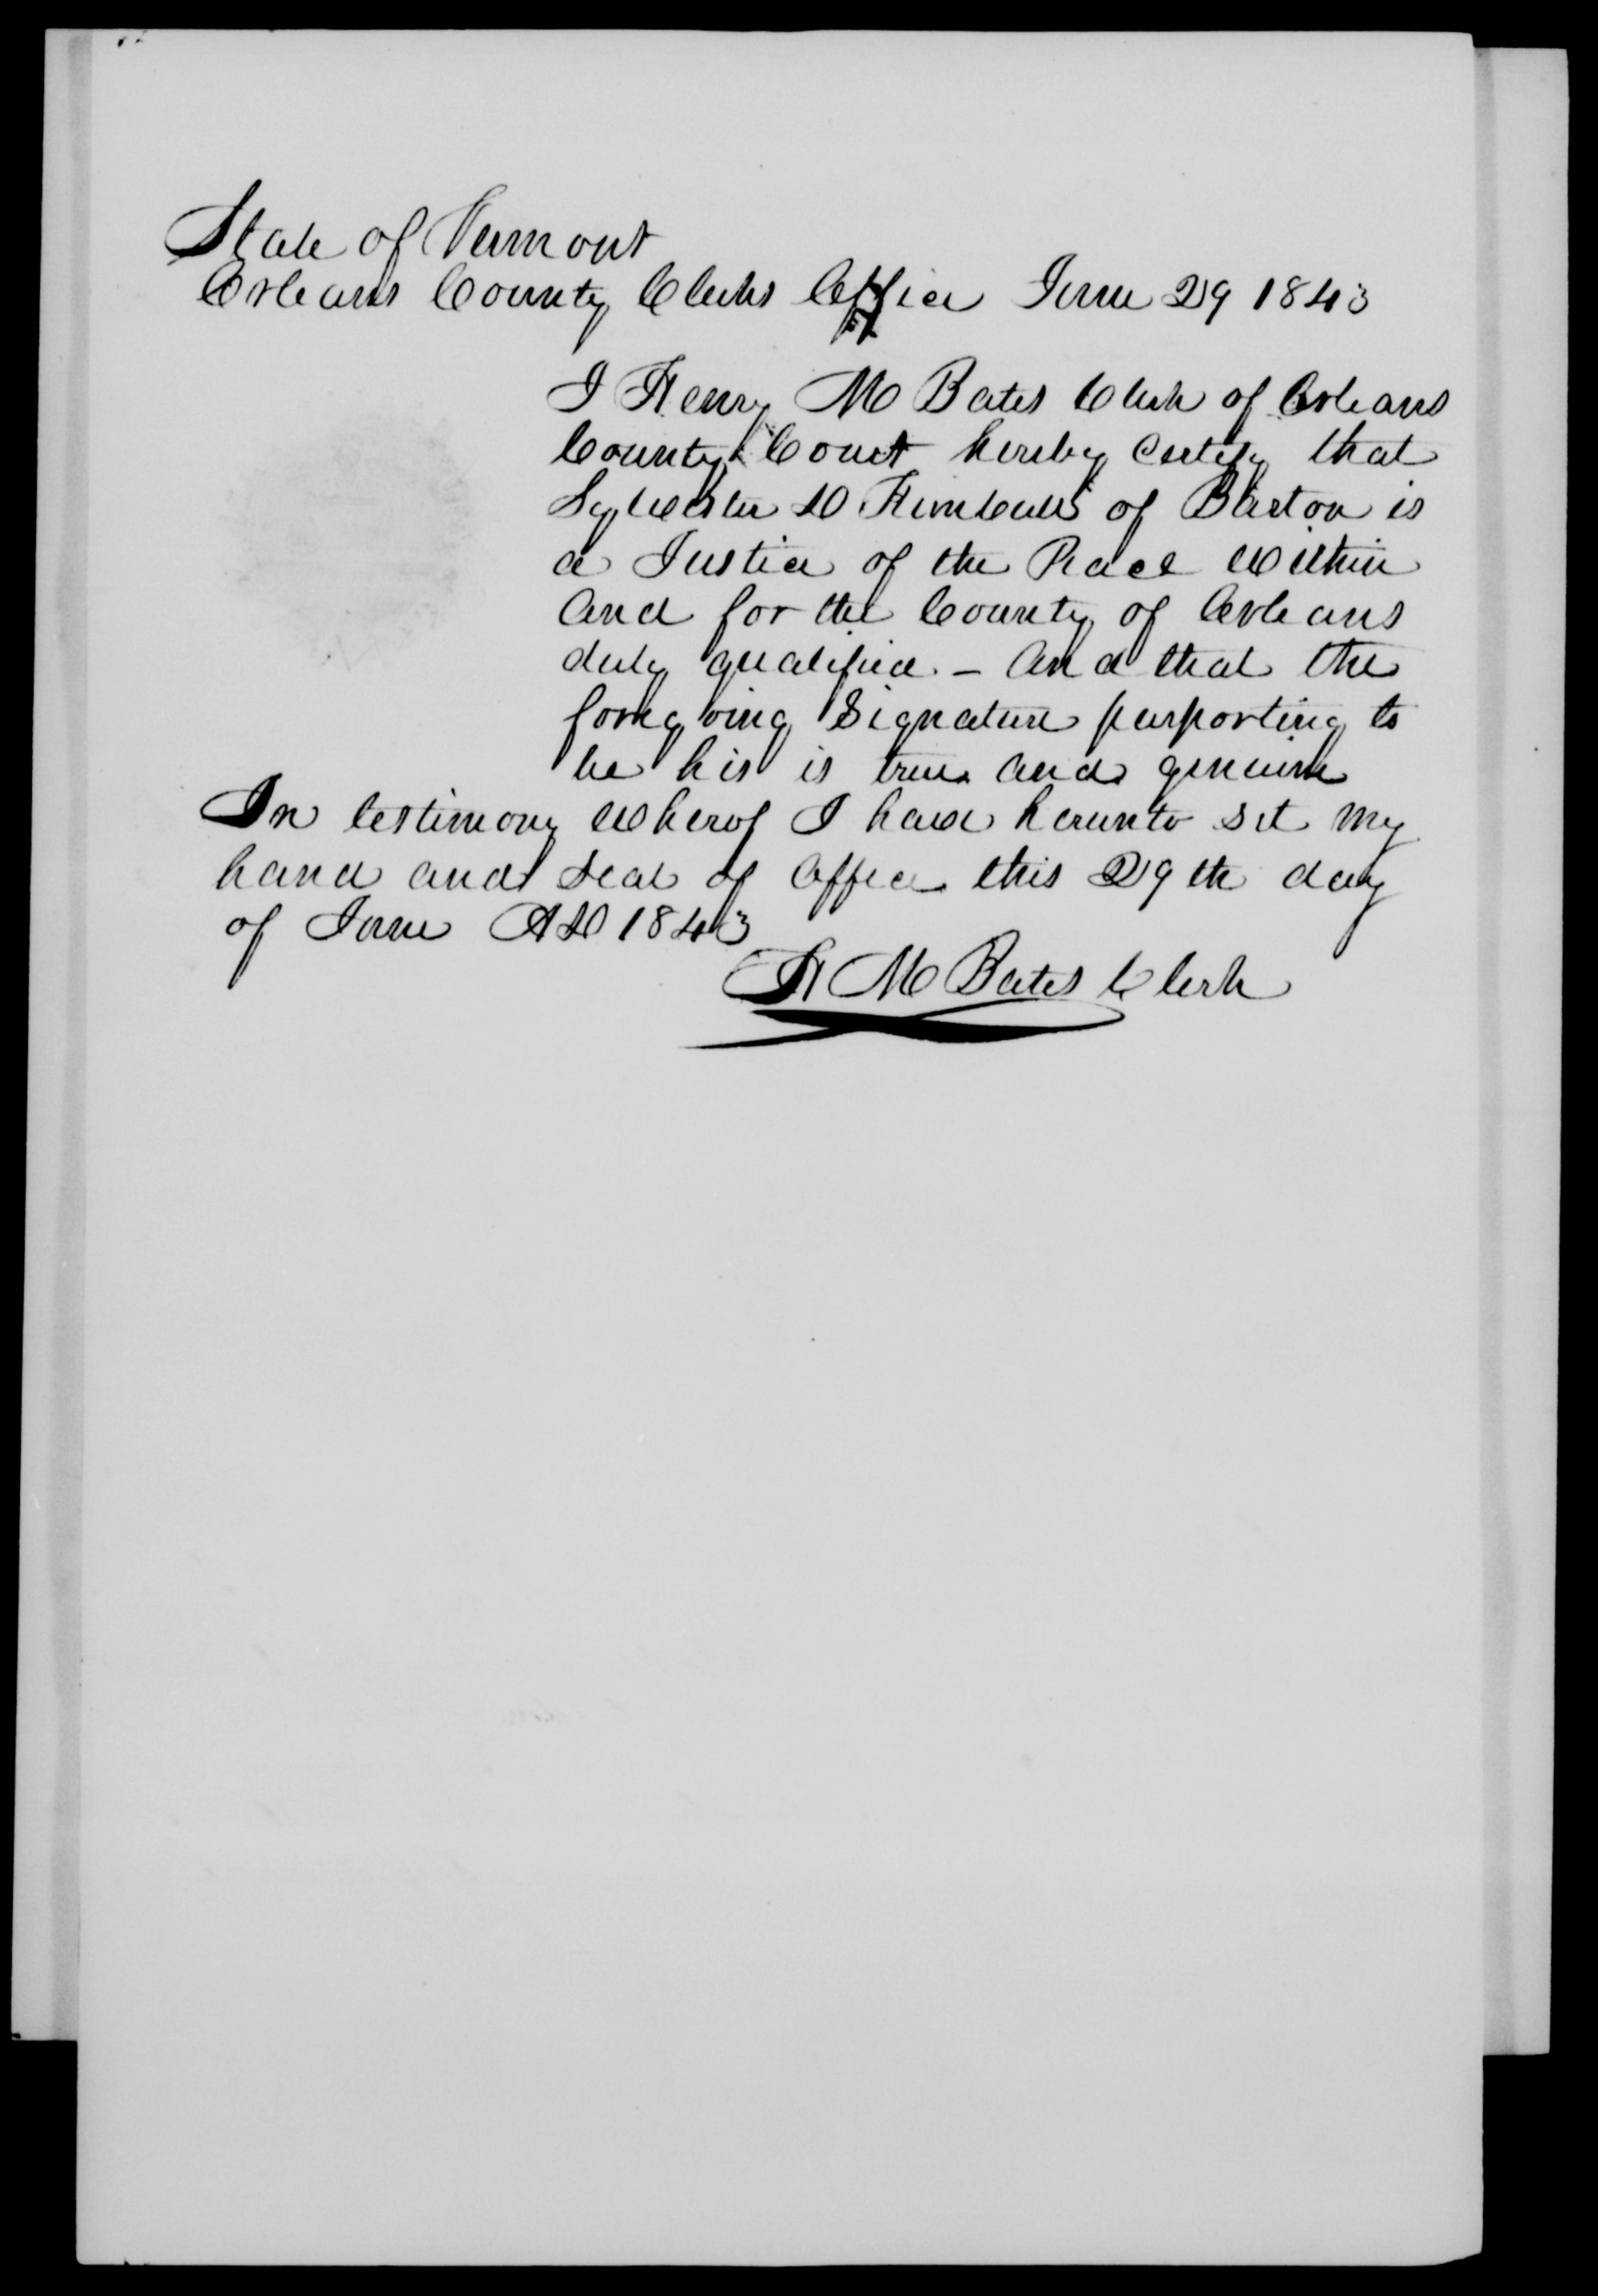State of Vermont
Orleans County Clerks Office June 29 1843
I Henry M Bates Clerk of Orleans
County Court hereby certify that
Sylvester D Kimball of Barton is a
Justice of the Peace within
and for the County of Orleans
duly qualified - And that the
foregoing signature purporting to
be his is true and genuine.
In testimony whereof I have hereunto set my
hand and seal of Office this 29th day
of June AD 1843
HM Bates Clerk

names: Sylvester D Kimball; Henry M Bates; H M Bates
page: 45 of 46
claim: widow's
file: W. 24976, for Daniel Skinner, New Hampshire